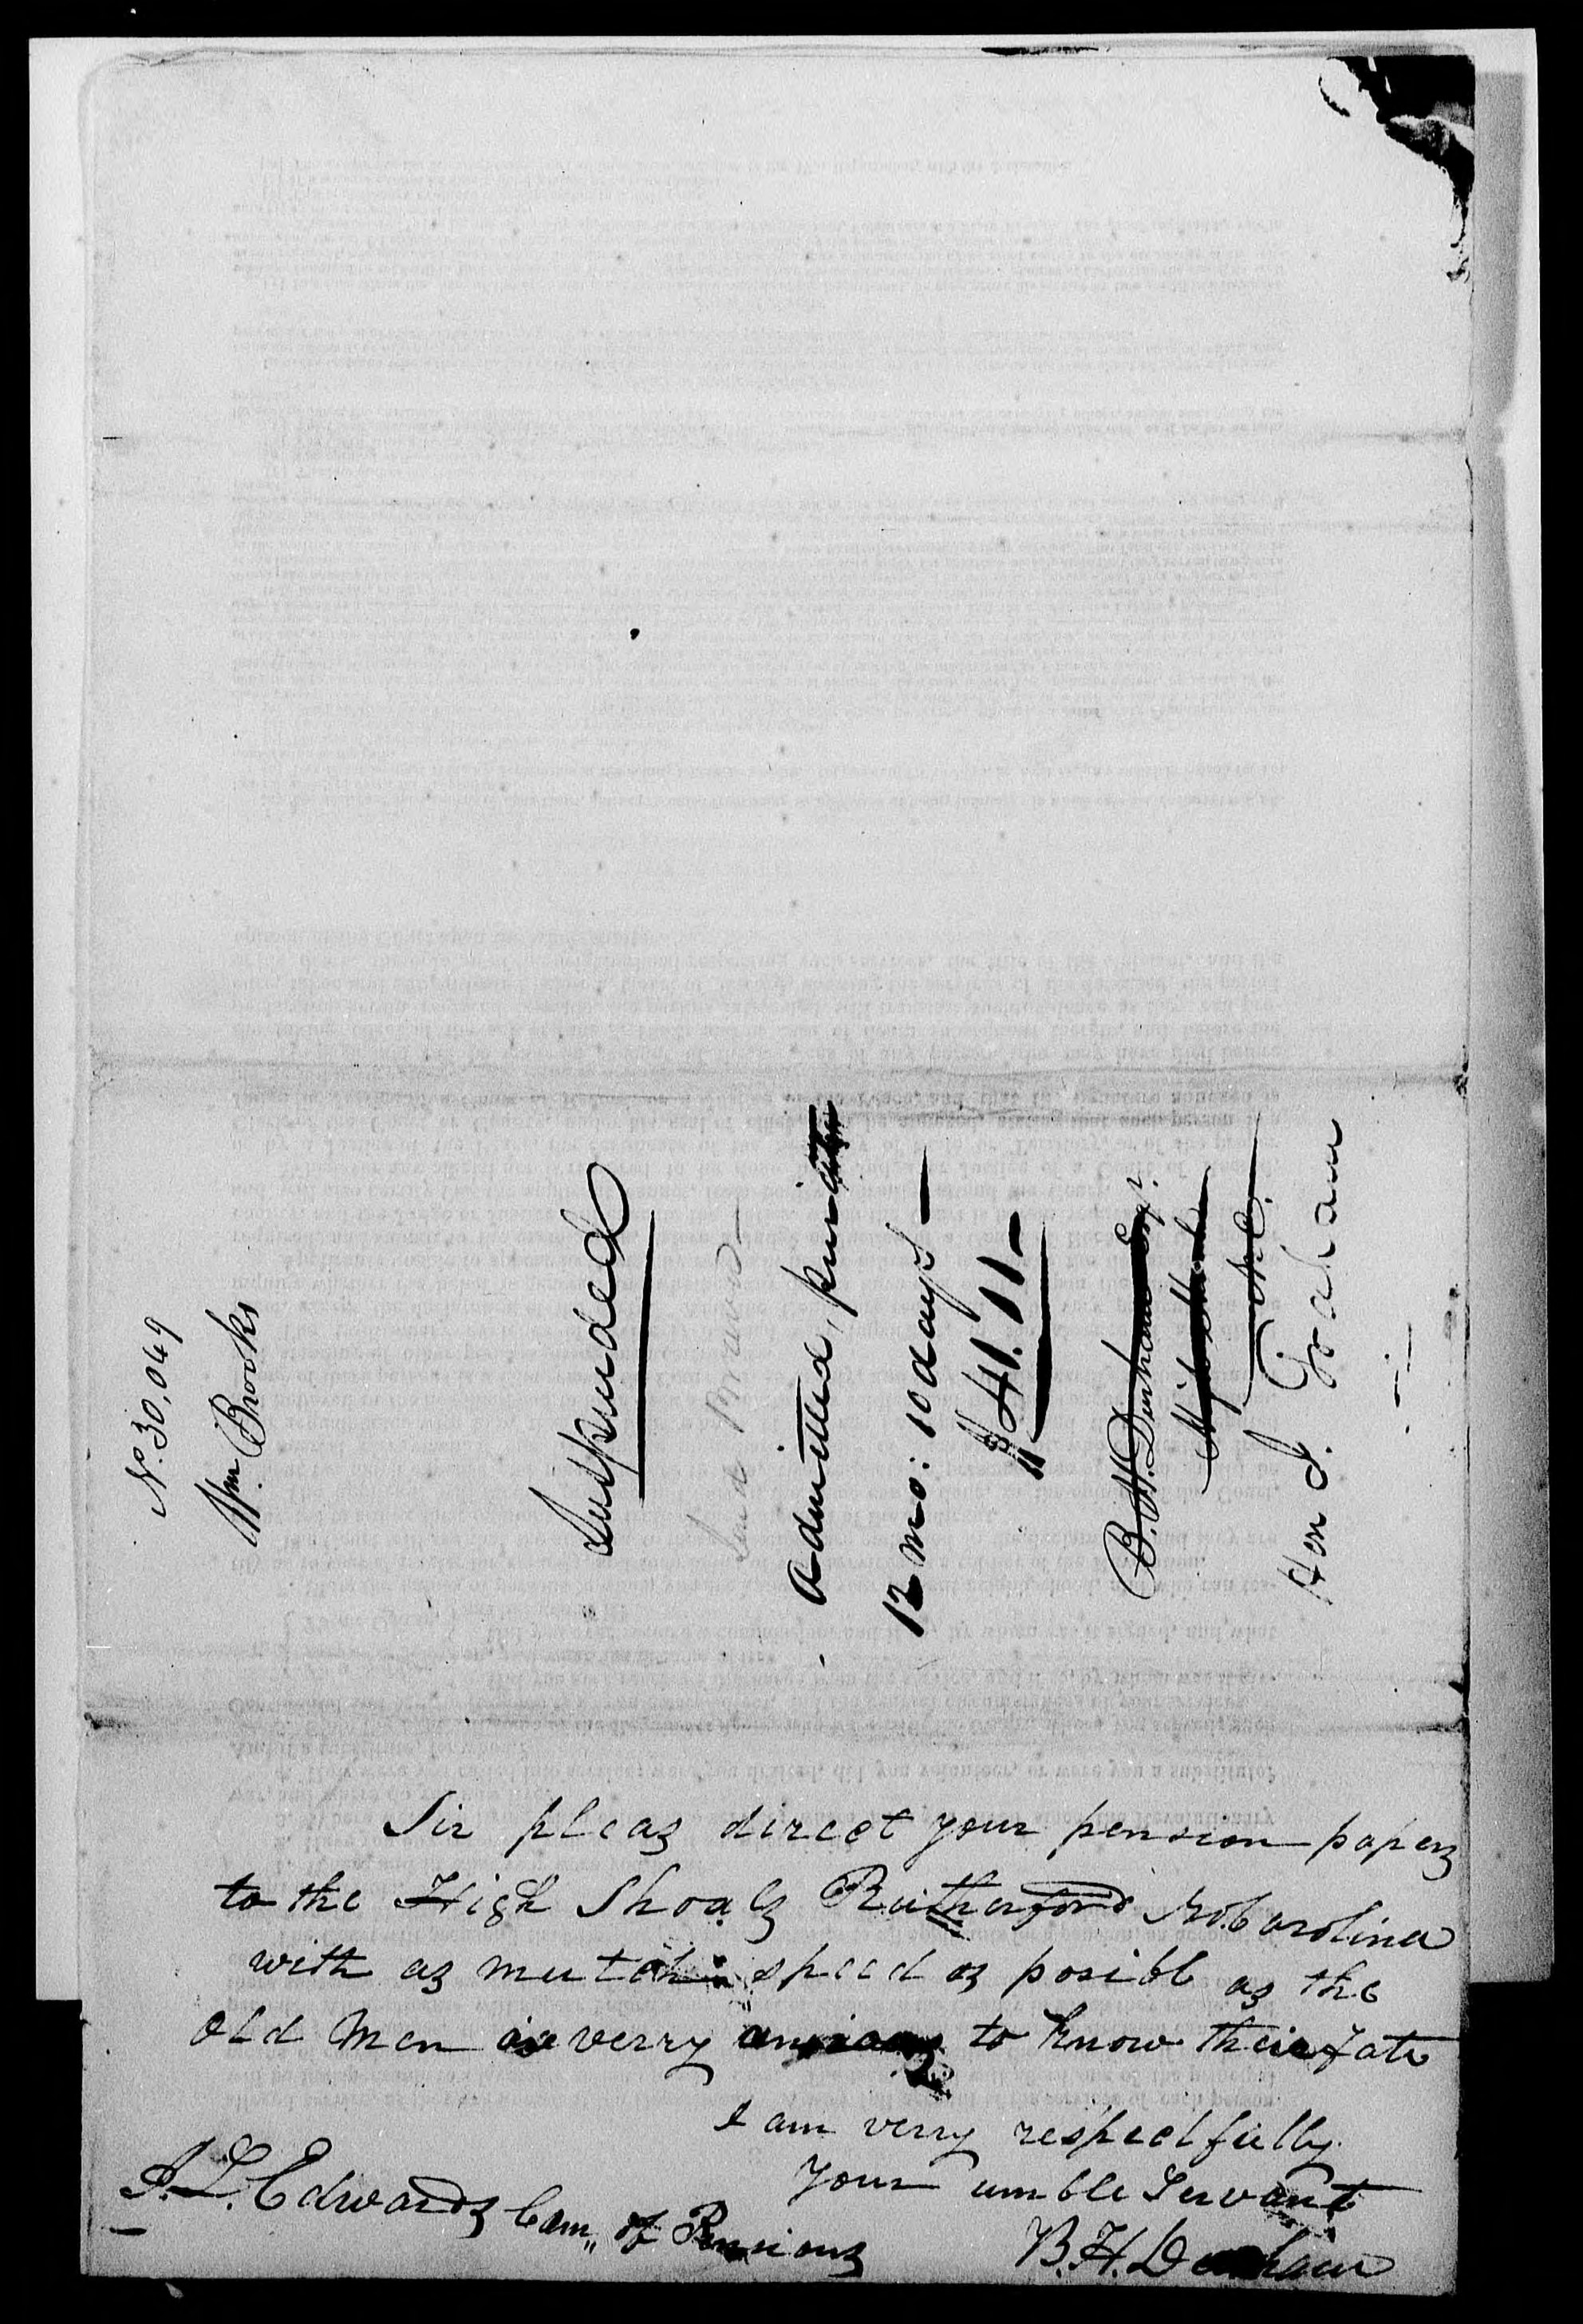N 30069
Wm Brooks

Suspended
(illegible) Brown
Admitted Private 
12 mo. 10 days
$41.11

Hon I Graham

Sir pleas direct your pension papers
to the High Shoals Rutherford No Carolina with as must speed as possible as the
old man a verry anxious to know the fate 
I am verry respectfully
your umble servant
B.H. Darham
A. J. Edwards Com. of Pensions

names: J Graham, B H Darham, J L Edwards, Wm Brooks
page: 10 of 17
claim: survivor's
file: S. 6717, William Brooks, Md. N.C.